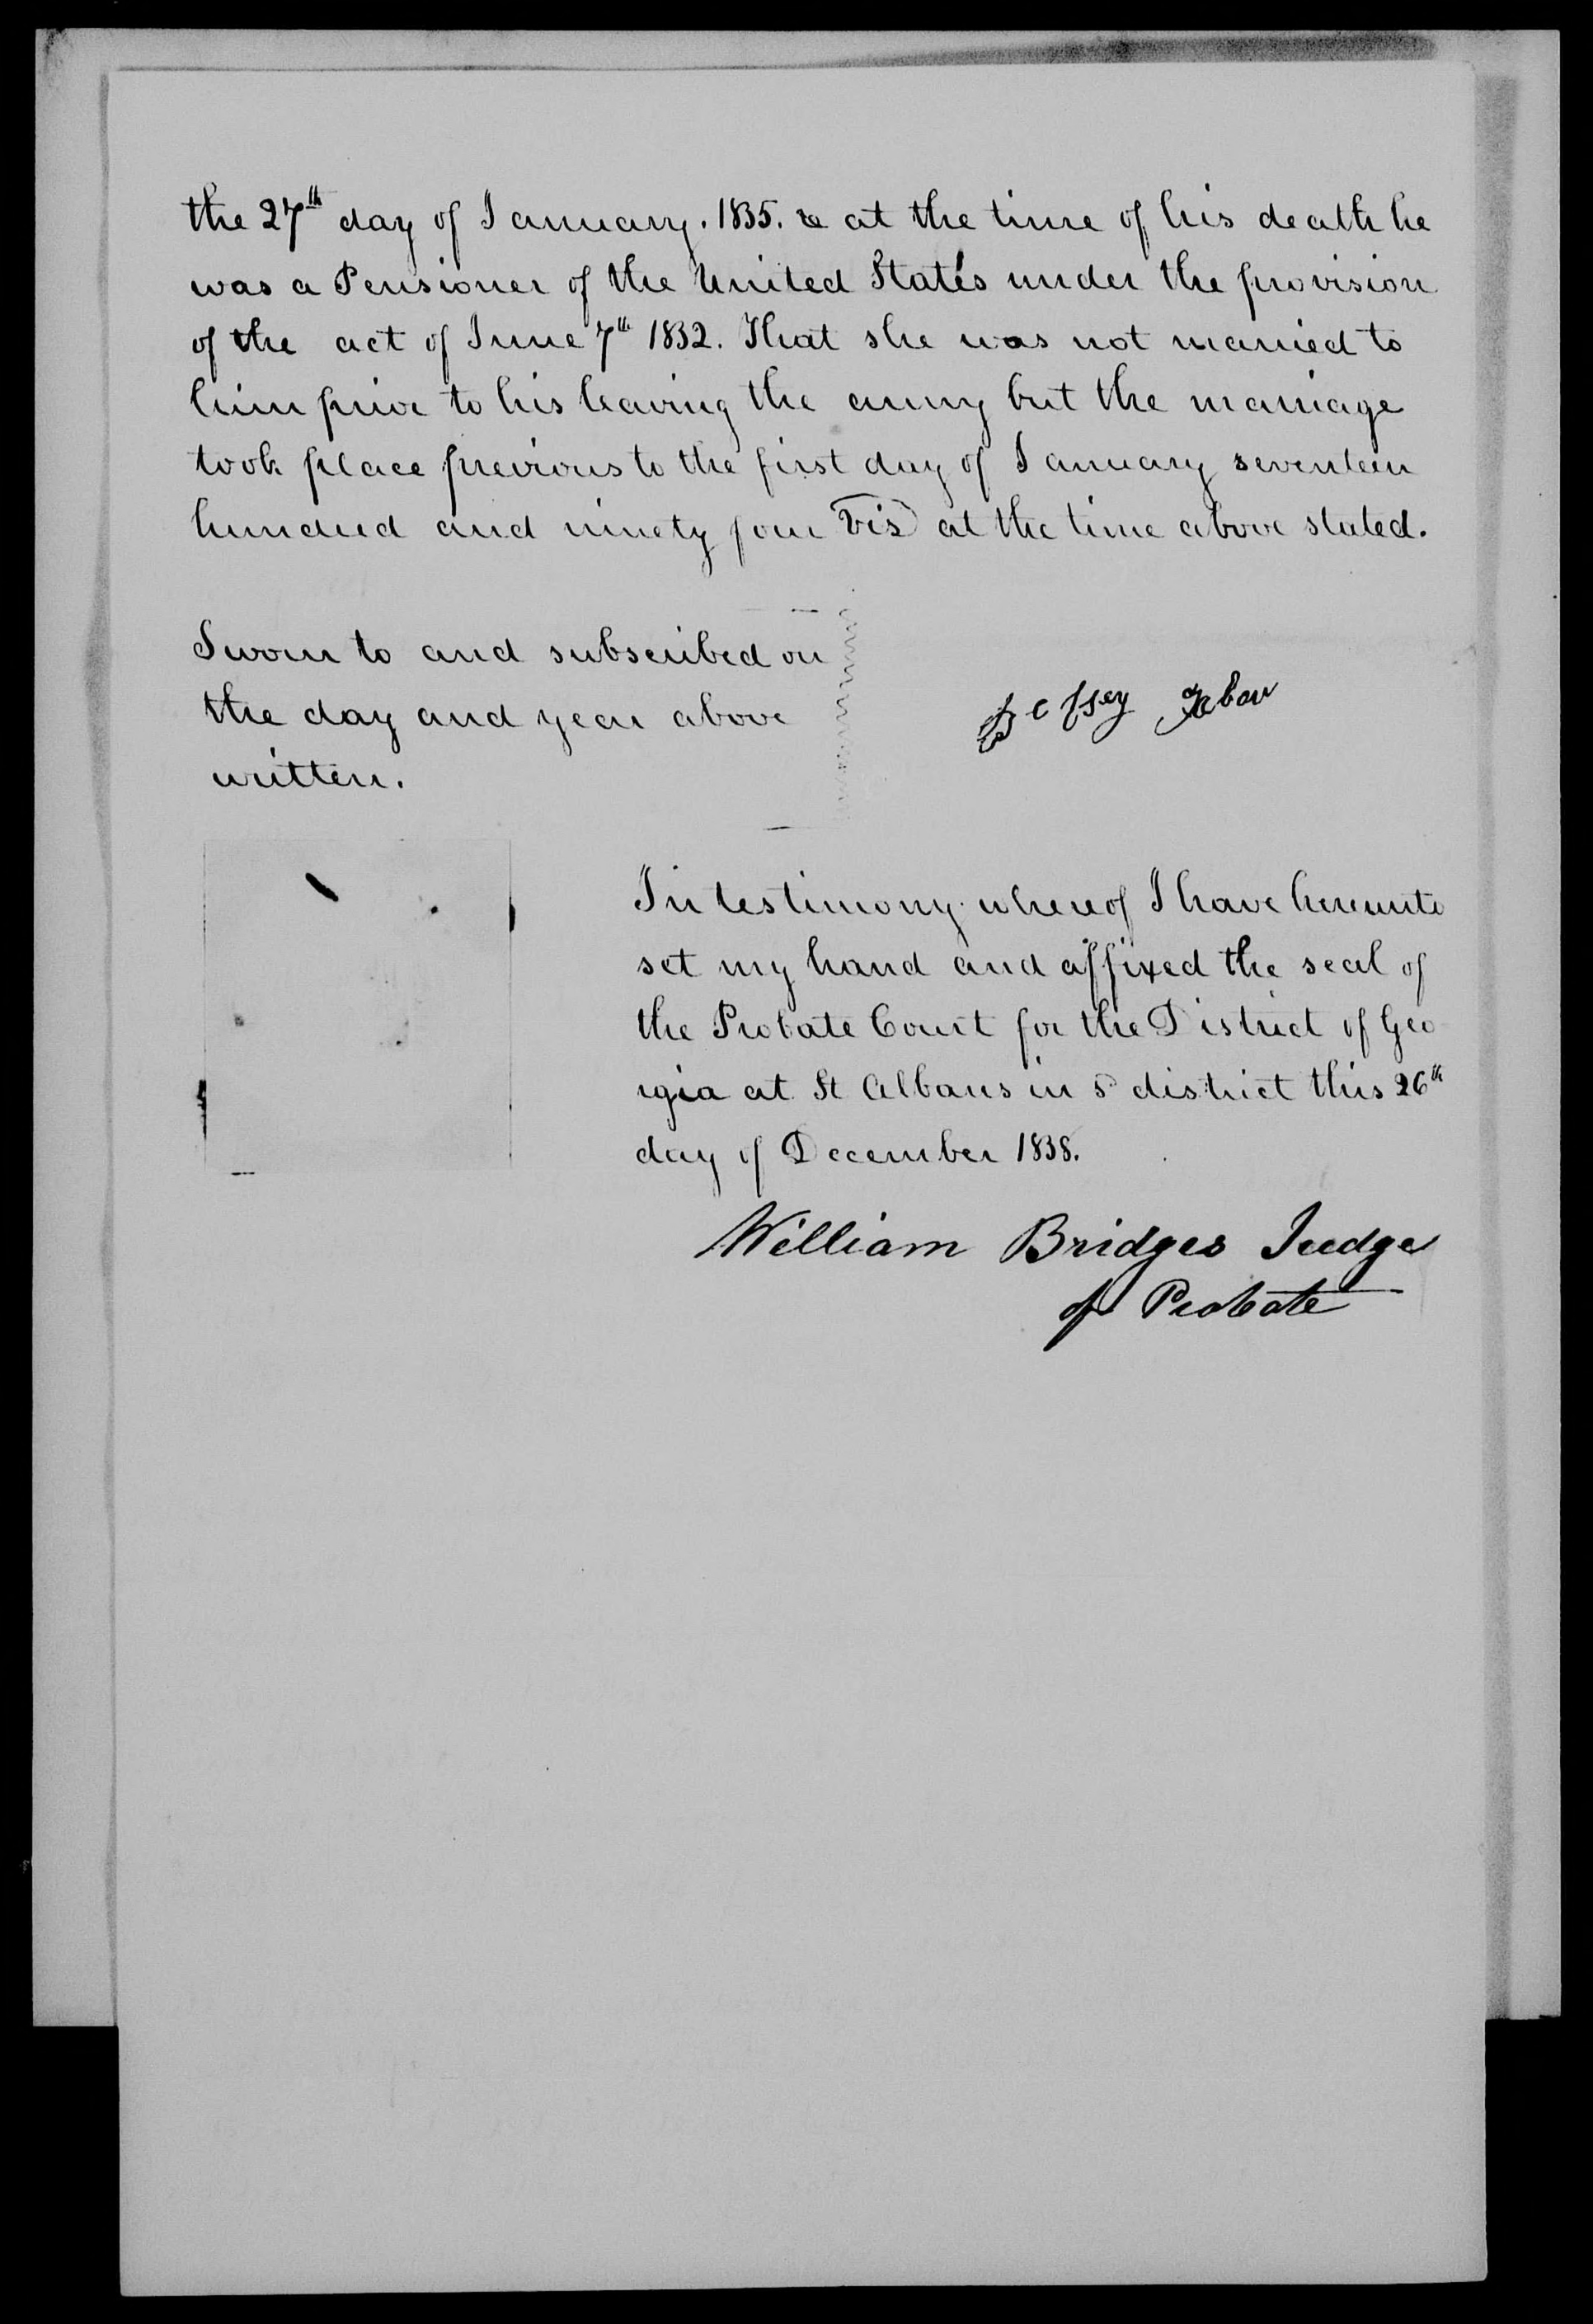the 27th day of January 1835 & at the time of his death he was a pensioner of the United States under the provision of the act of June 7th 1832. that she was not married to him prior to his leaving the army but the but the marriage took place previous to the first of January seventeen hundred and ninety four, viz. at the time above stated.
Sworn to and subscribed on the day and year above written.
Betsey Tabor

(seal)
In testimony whereof I have hereunto set my hand and affixed the seal of the Probate Court for the District of Georgia at St. Albans in sd. district this 26th day of December 1838.
William Bridges Judge of Probate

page: 8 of 41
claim: widow's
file: W 26507, for Church Tabor, Massachusetts